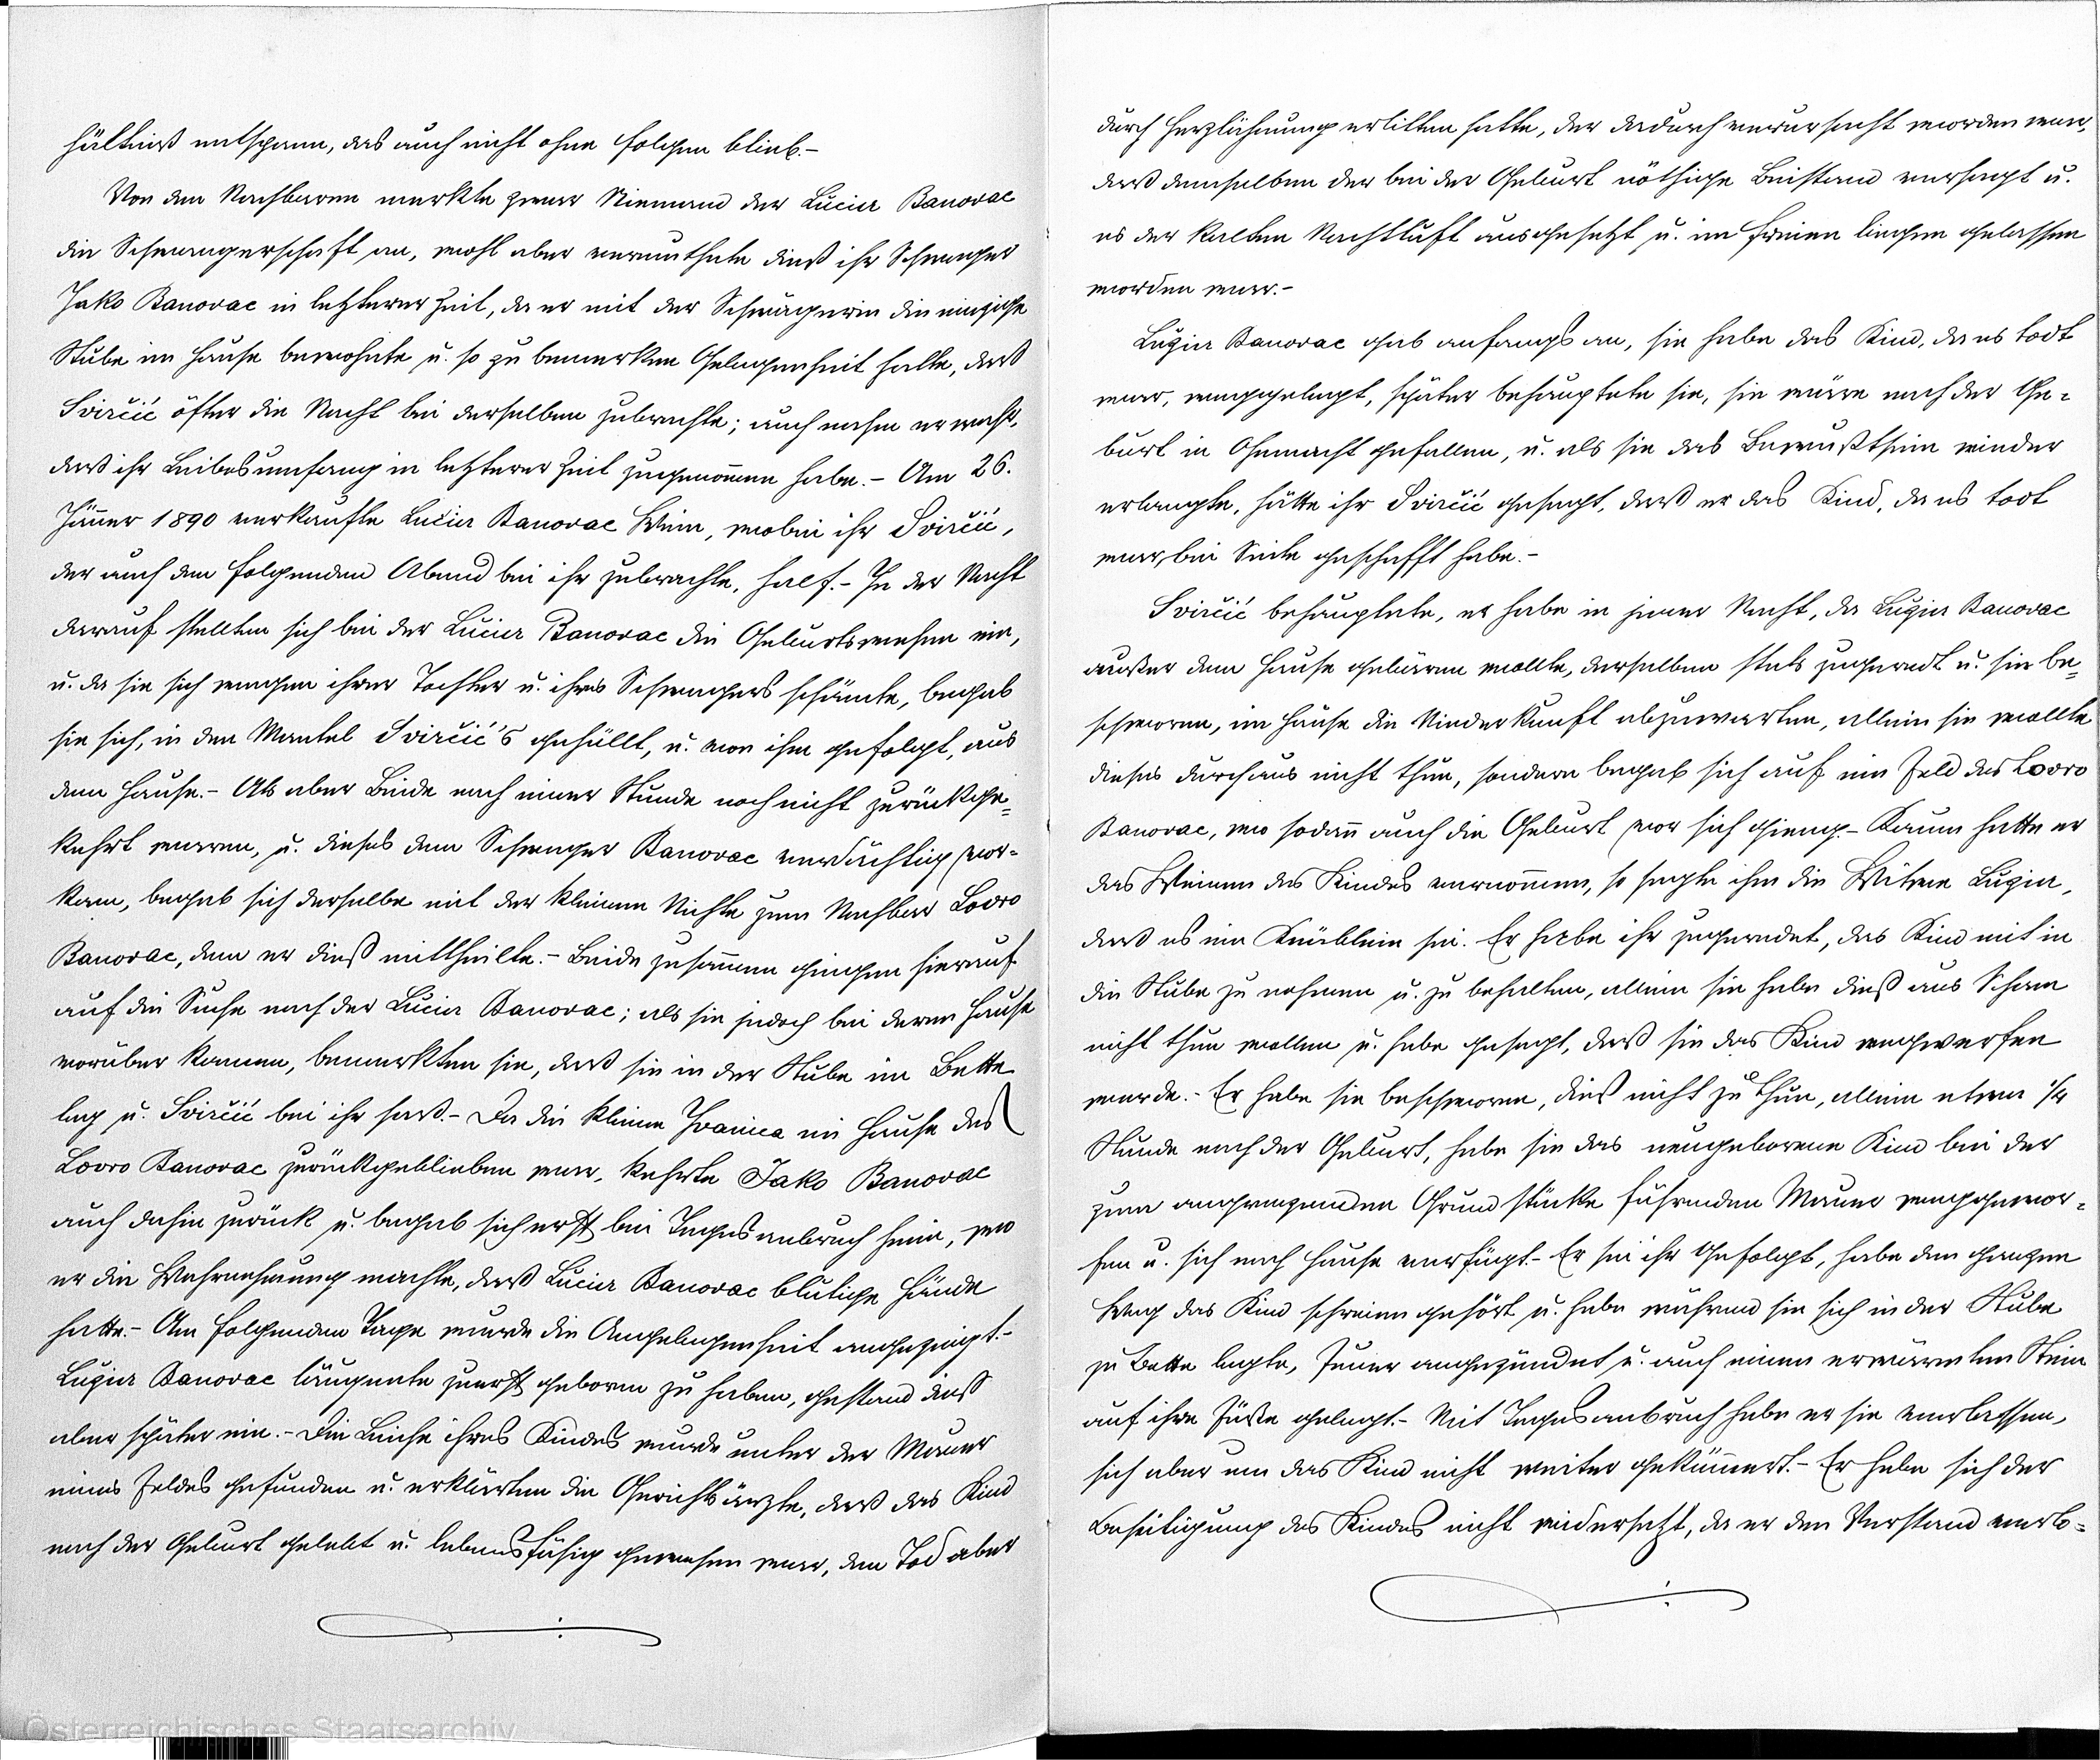hältniß entspann, das auch nicht ohne folgen blieb.-
Von den Nachbaren merkte zwar Niemand der Lucia Banovac
die Schxxgerschaft an, wohl aber vermuthete dieß ihr Schweger
Jako Banovac in letzterer Zeit, da er mit der Schwurgerin die einzige
Stube im Hause bewohnte u. so zu bemerken Gelegenheit halte, daß
Svirčić öfter die Nacht bei derselben zubrachte; auch nahm er wehr,
daß ihr Leibesumfang in letzterer Zeit zugenommen habe. - Am 26.
Jänner 1890 verkaufte Lucia Banovac Wein, wobei ihr Svirčić,
der auch den folgenden Abend bei ihr zubrachte, half.- In der Nacht
darauf stellten sich bei der Lucia Banovac die Geburtswehen ein,
u. da sie sich wegen ihrer Tochter u. ihres Schwegers schämte, begab
sie sich, in den Mantel Svirčić's gehüllt, u. von ihm gefolgt, aus
dem Hause.- Als aber Beide nach einer Stunde noch nicht zurückge¬
kehrt waren, u. dieses dem schweger Banovac verdächtig vor¬
kam, begab sich derselbe mit der kleinen Nichte zum Nachbar Loxx
Banovac, dem er dieß mittheilte.- Beide zusammen gingen hierauf
auf die Suche nach der Lucia Banovac; als sie jedoch bei deren Hause
woruber komme, bemerkten sie, daß sie in der xxube im Bette
leg u. Svirčić bei ihr saß.- Da die kleine Yvanica im Hause des
Loxx Banovac zurückgeblieben war, kehrte Jako Banovac
auch dahin zurück u. begab sich erst bei Tagesanbruchheim, wo
er die Wahrnehmung machte, daß Lucia Banovac blutige Hände
hatte.- Am folgenden Tage wurde die Angelegenheit angezeigt.-
Luzia Banovac läugnete zuerst geboren zu haben, gestand dieß
aber später ein.- Die Leiche ihres Kindes wurde unter der Mauer
eines xxeldes gefunden u. erklärten die Gerichtsärzte, daß das Kind
nach der Geburt gelebt u. lebensfähig gewesen war, den Tod aber
durch Herzlähmung erlitten hatte, der dadurch verursacht worden war,
daß demselben der bei der Geburt nöthige Beistand versagt u.
es der kalten Nachtluft ausgesetzt u. im Freien liegen gelassen
worden war.-
Luzia Banovac gab anfangs an, sie habe das Kind, da es todt
war, weggelegt, später behauptete sie, sie wäre nach der Ge¬
burt in Gemacht gefallen, u. als sie das Bewußtsein wieder
erlangte, hätte ihr Svirčić gesagt, daß er das Kind, da es todt
war, bei Seite geschafft habe.-
Svirčić behauptete, er habe in jener Nacht, da Luzia Banovac
außer dem Hause gebären wollte, derselben stats zugeredt u. sie be¬
schworen, im Hause die Niederkunft abzuwarten, allein sie wollte
dieses durch aus nicht thun, sondern begab sich auf ein Feld des des Lovro
Banovac, wo sodann auch die Geburt vor sich Gieng.- Kaum hatte er
das xxeinen des Kindes vernommen, so sagte ihm die Witwe Luzia,
daß es ein Knäblein sei. Er habe ihr zugeredet, das Kind mit in
die Stube zu nahmen u. zu behalten, allein sie habe dieß aus Scham
nicht thun wollen u. habe gesagt, daß sie das Kind wegwerfen
warde.- Er habe sie beschworen, dieß nicht zu thun, allein etwa ¼
Stunde nach der Geburt, habe sie das neugeborene Kind bei der
zum angrenzenden Grundstücke führenden Mauer weggewor¬
fen u. sich mich Hause verfügt.- Er sei ihr Gefolgt, habe den ganzen
Weg das Kind schreien gehört u. habe während sie sich in der Stube
zu Bette legte, Feuer angezündet u. auch einen erwärmten Stein
auf ihre Füße gelegt.- Mit Tagesanbruch habe er sie verlassen,
sich aber um das Kind nicht weiter gekümmert.- Er habe sich der
Beseitigung des Kindes nicht widersetzt, da er den Verstand xx-